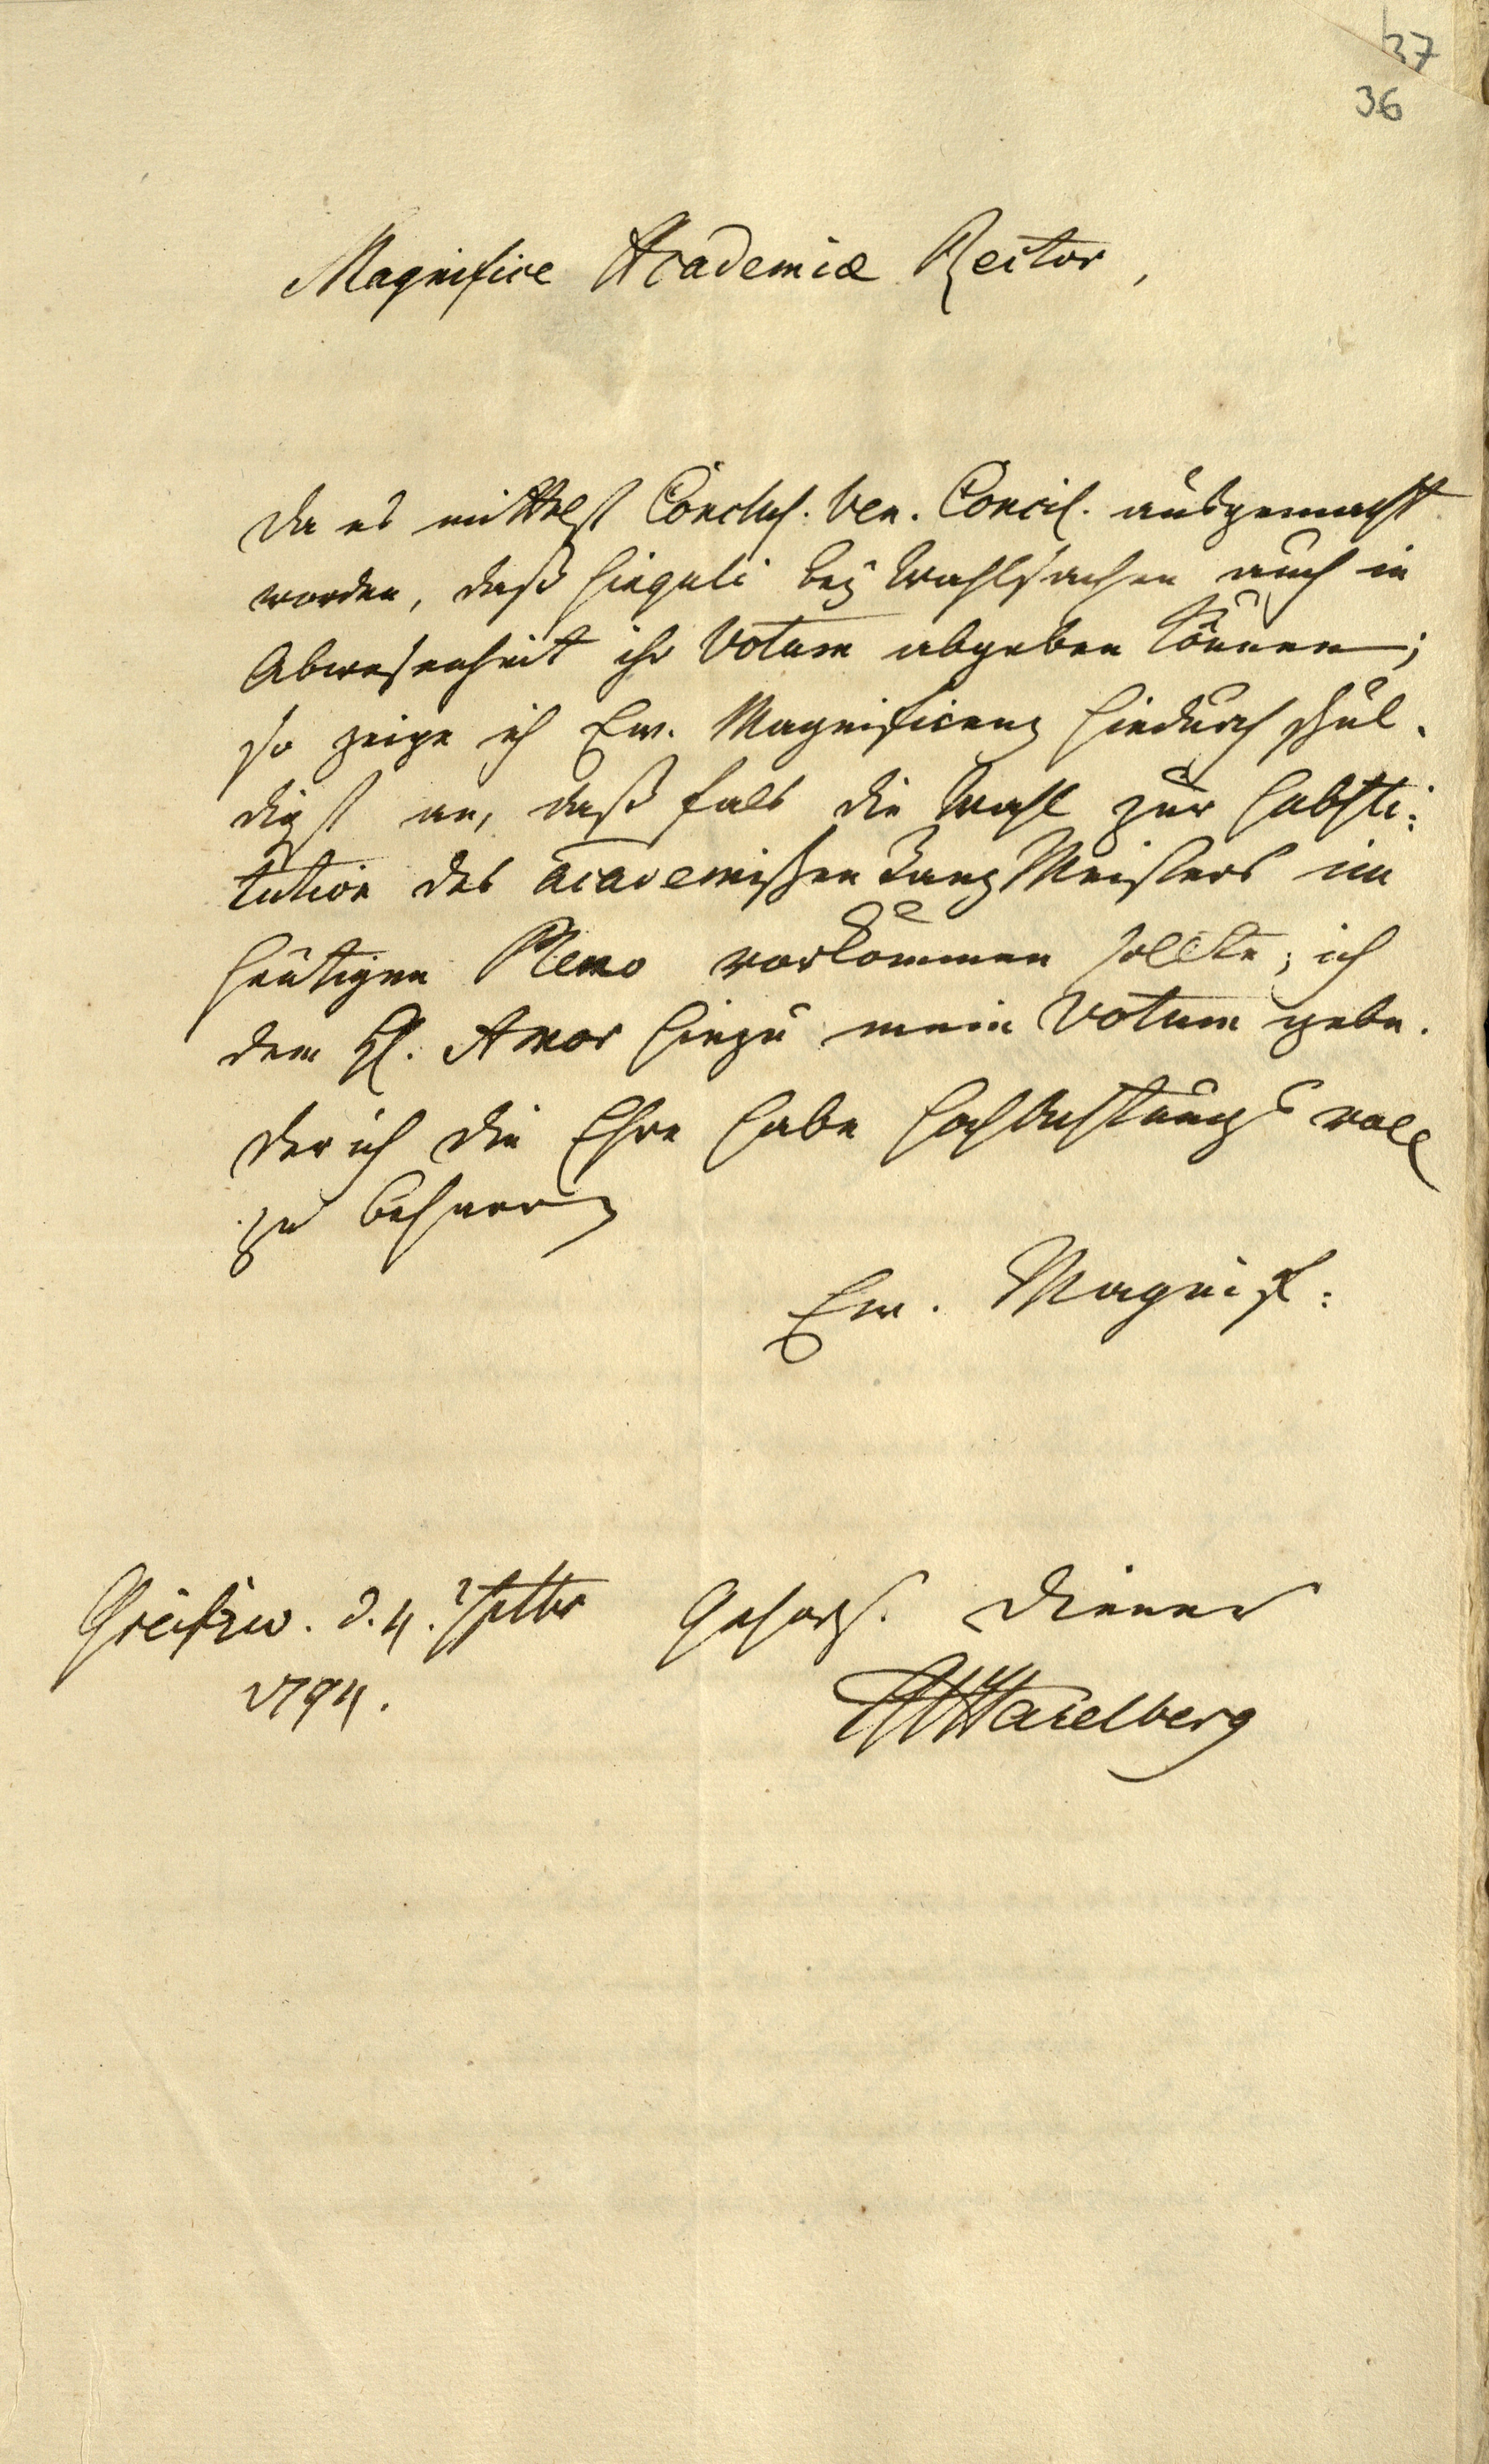Magnifice Academiae Rector,
Da es mittelst Conclus. Ven. Conccil. ausgemacht
worden, daß singuli bey Wahlsachen auch in
Abwesenehit ihr Votum abgeben können,
so zeige ich Ew. Magnificence hiedurch schul-
digst an, daß fals die Wahl zur substi-
tution des academischen Tanz Meisters im
heutigen Pleno vorkommen sollte, ich
dem H. Amor hiezu mein votum gebe.
Der ich die Ehre habe hochachtungsvoll
zu beharren
Ew. Magnif:
Greifsw. d. 4. Septbr. Ghors. Diener
1794
Haselberg